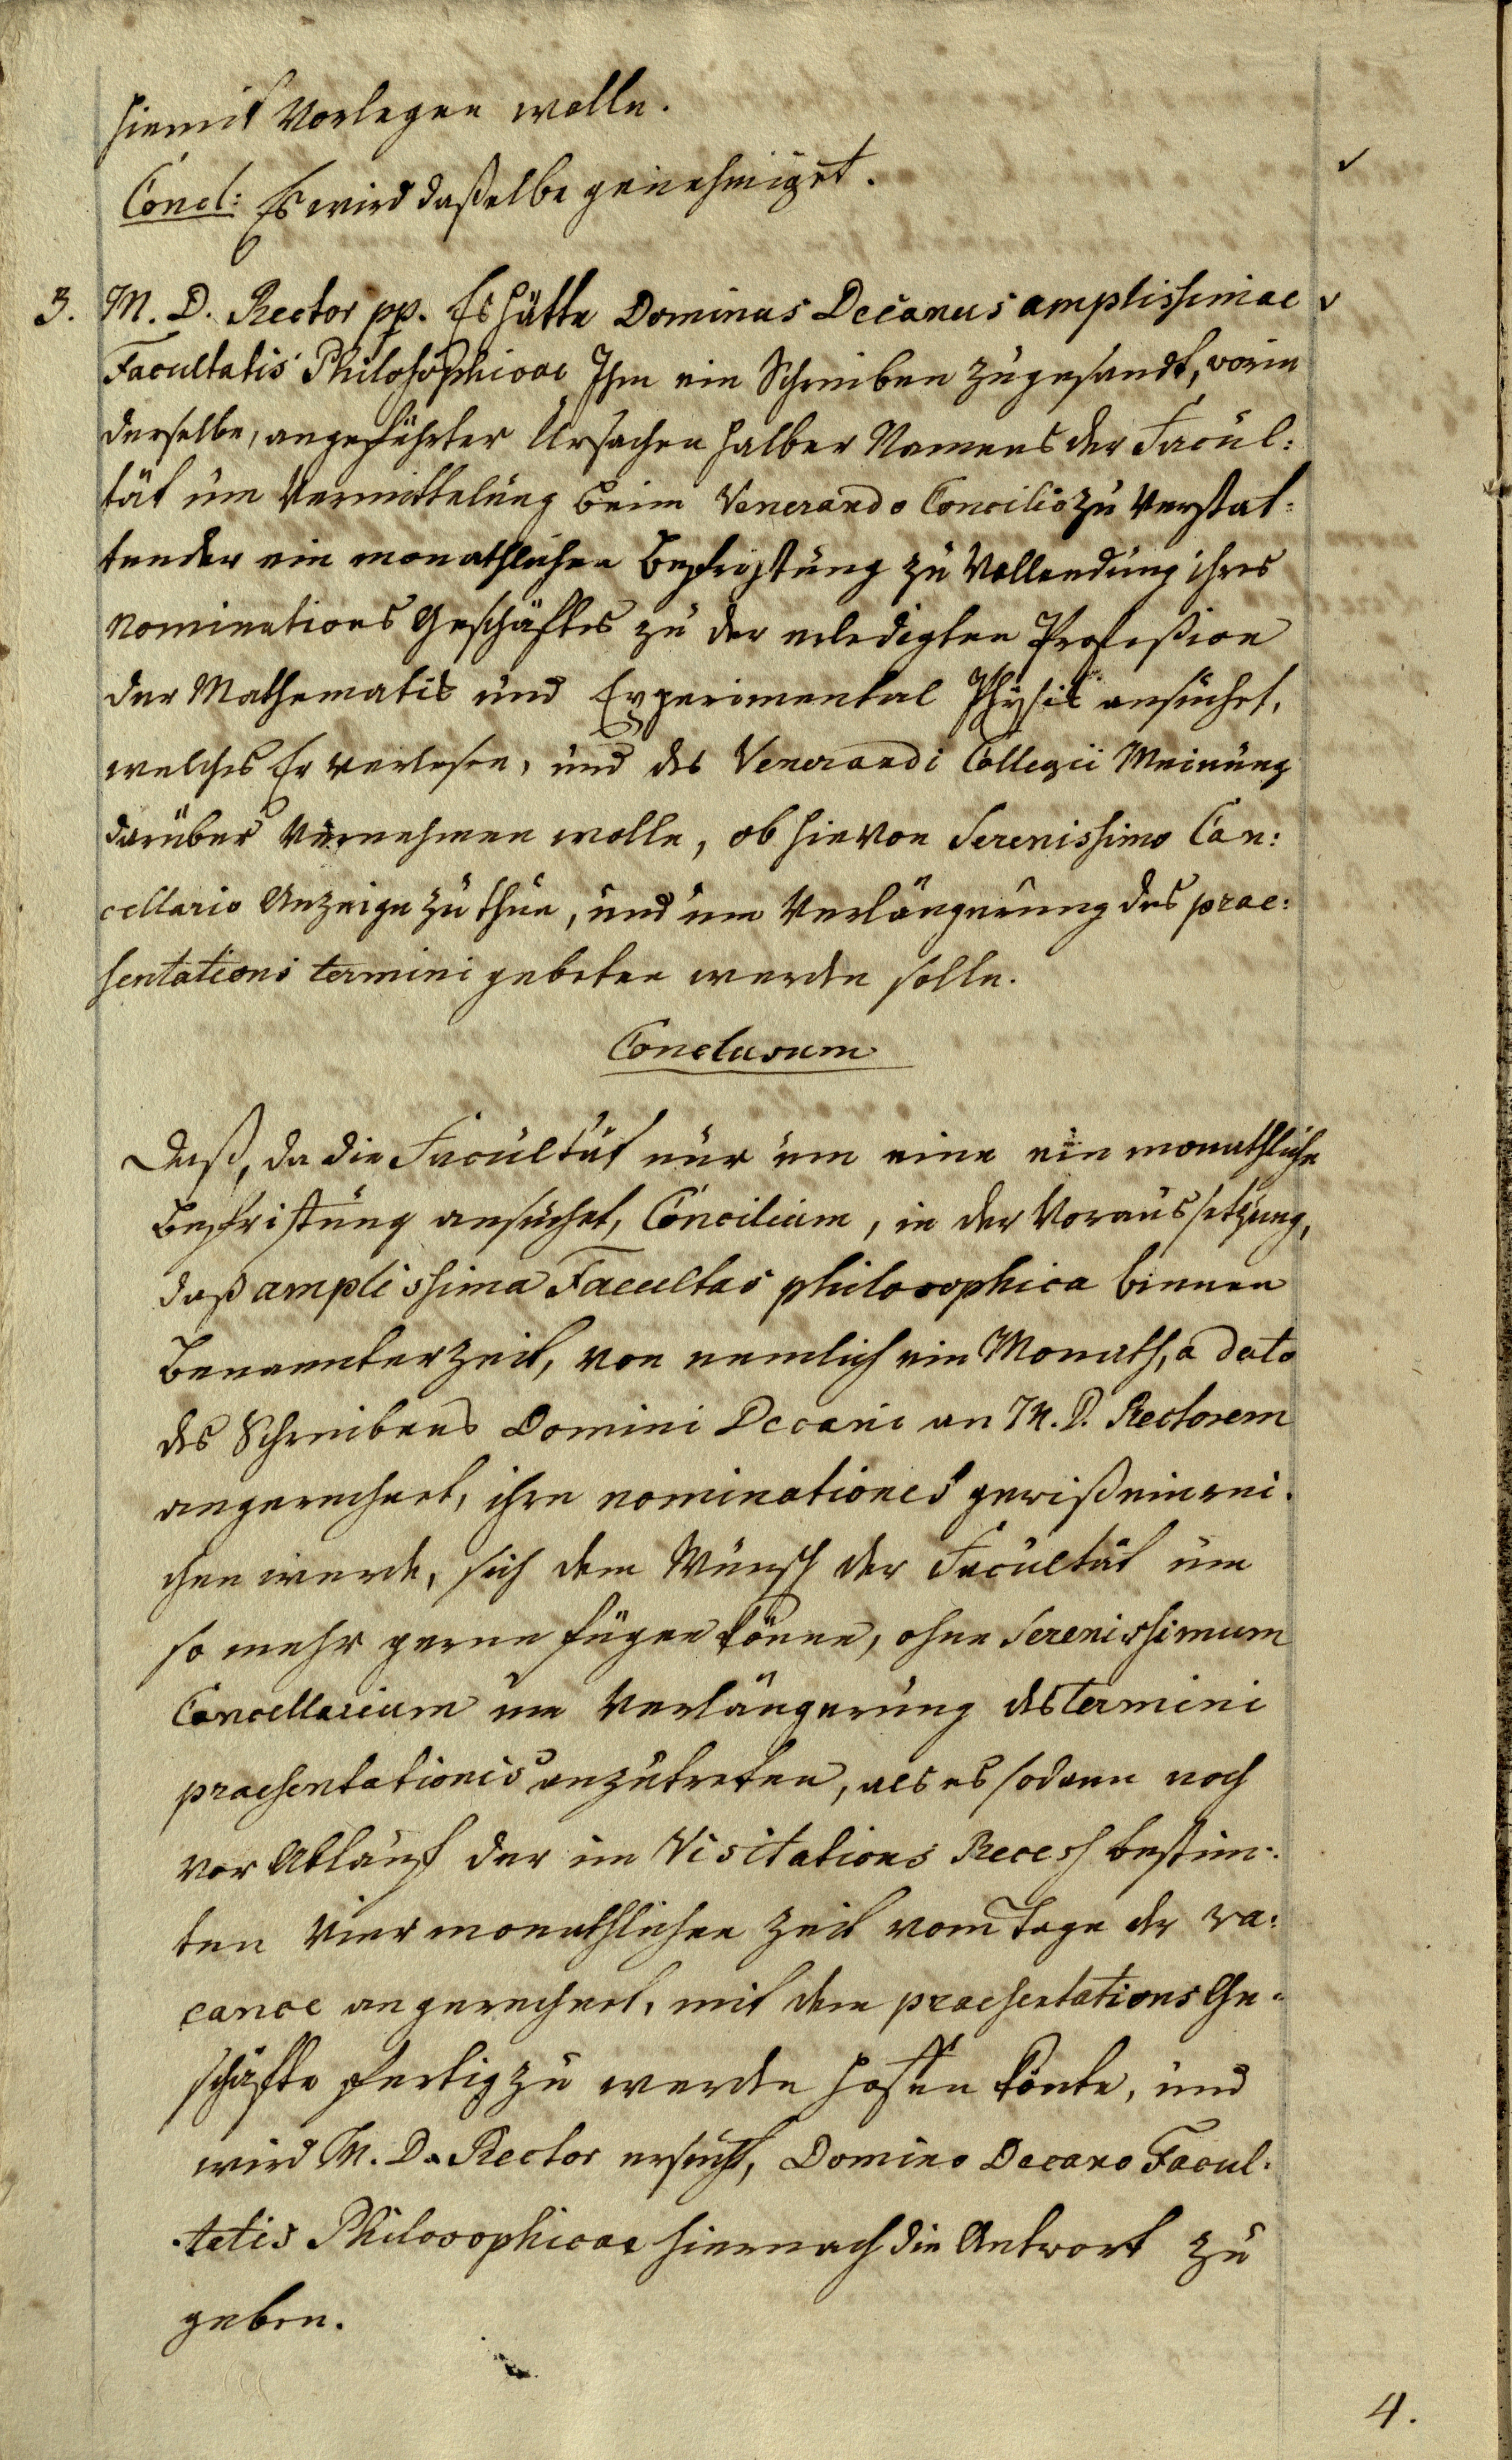hiemit vorlegen wolle.
Concl. Es wird daßelbe genhmiget.
3. M. D. Rector pp. Es hätte Dominus Decanus amplissimae
Facultatis Philosophicae Ihm ein Schreiben zugesandt, worin
derselbe, angeführter Ursachen halber Namens der Facul¬
tät um Vermittelung beim Venerando Concilio zu verstat¬
tender ein monathlicher Befristung zu Vollendung ihres
Nominations Geschäftes zu der erledigten Profeßion
der Mathematik und Experimental Phÿsik ansuchet,
welches Er verlesen, und des Venerandi Collegii Meinung
darüber vernehmen wolle, ob hievon Serenissimo Can¬
cellario Anzeige zu thun, und um Verlängerung des prae¬
sentations termini gebeten werden solle.
Conclusum
Daß, da die Facultät nur um eine ein monatliche
Befristung ansuchet, Concilium, in der Voraussetzung,
daß amplissima Facultas philosophica binnen
benannter Zeit, von nemlich ein Monath, a dato
des Schreibens Domini Decani an M. D. Rectorem
angerechnet, ihre nominationes gewiß einrei¬
chen werde, sich dem Wunsch der Facultät um
so mehr gerne fügen könne, ohne Seremissimum
Cancellarium um Verlängerung des termini
praesentationis anzutreten, als es sodann noch
vor Ablauf der im Visitations Recess bestim¬
ten viermonathlichen Zeit vom Tage der va¬
cance angerechnet, mit dem praesentations Ge¬
schäfte fertig zu werden hoffen könte, und
wird M. D. Rector ersucht, Domino Decano Facul¬
tatis Philosophicae hiernach die Antwort zu
geben.